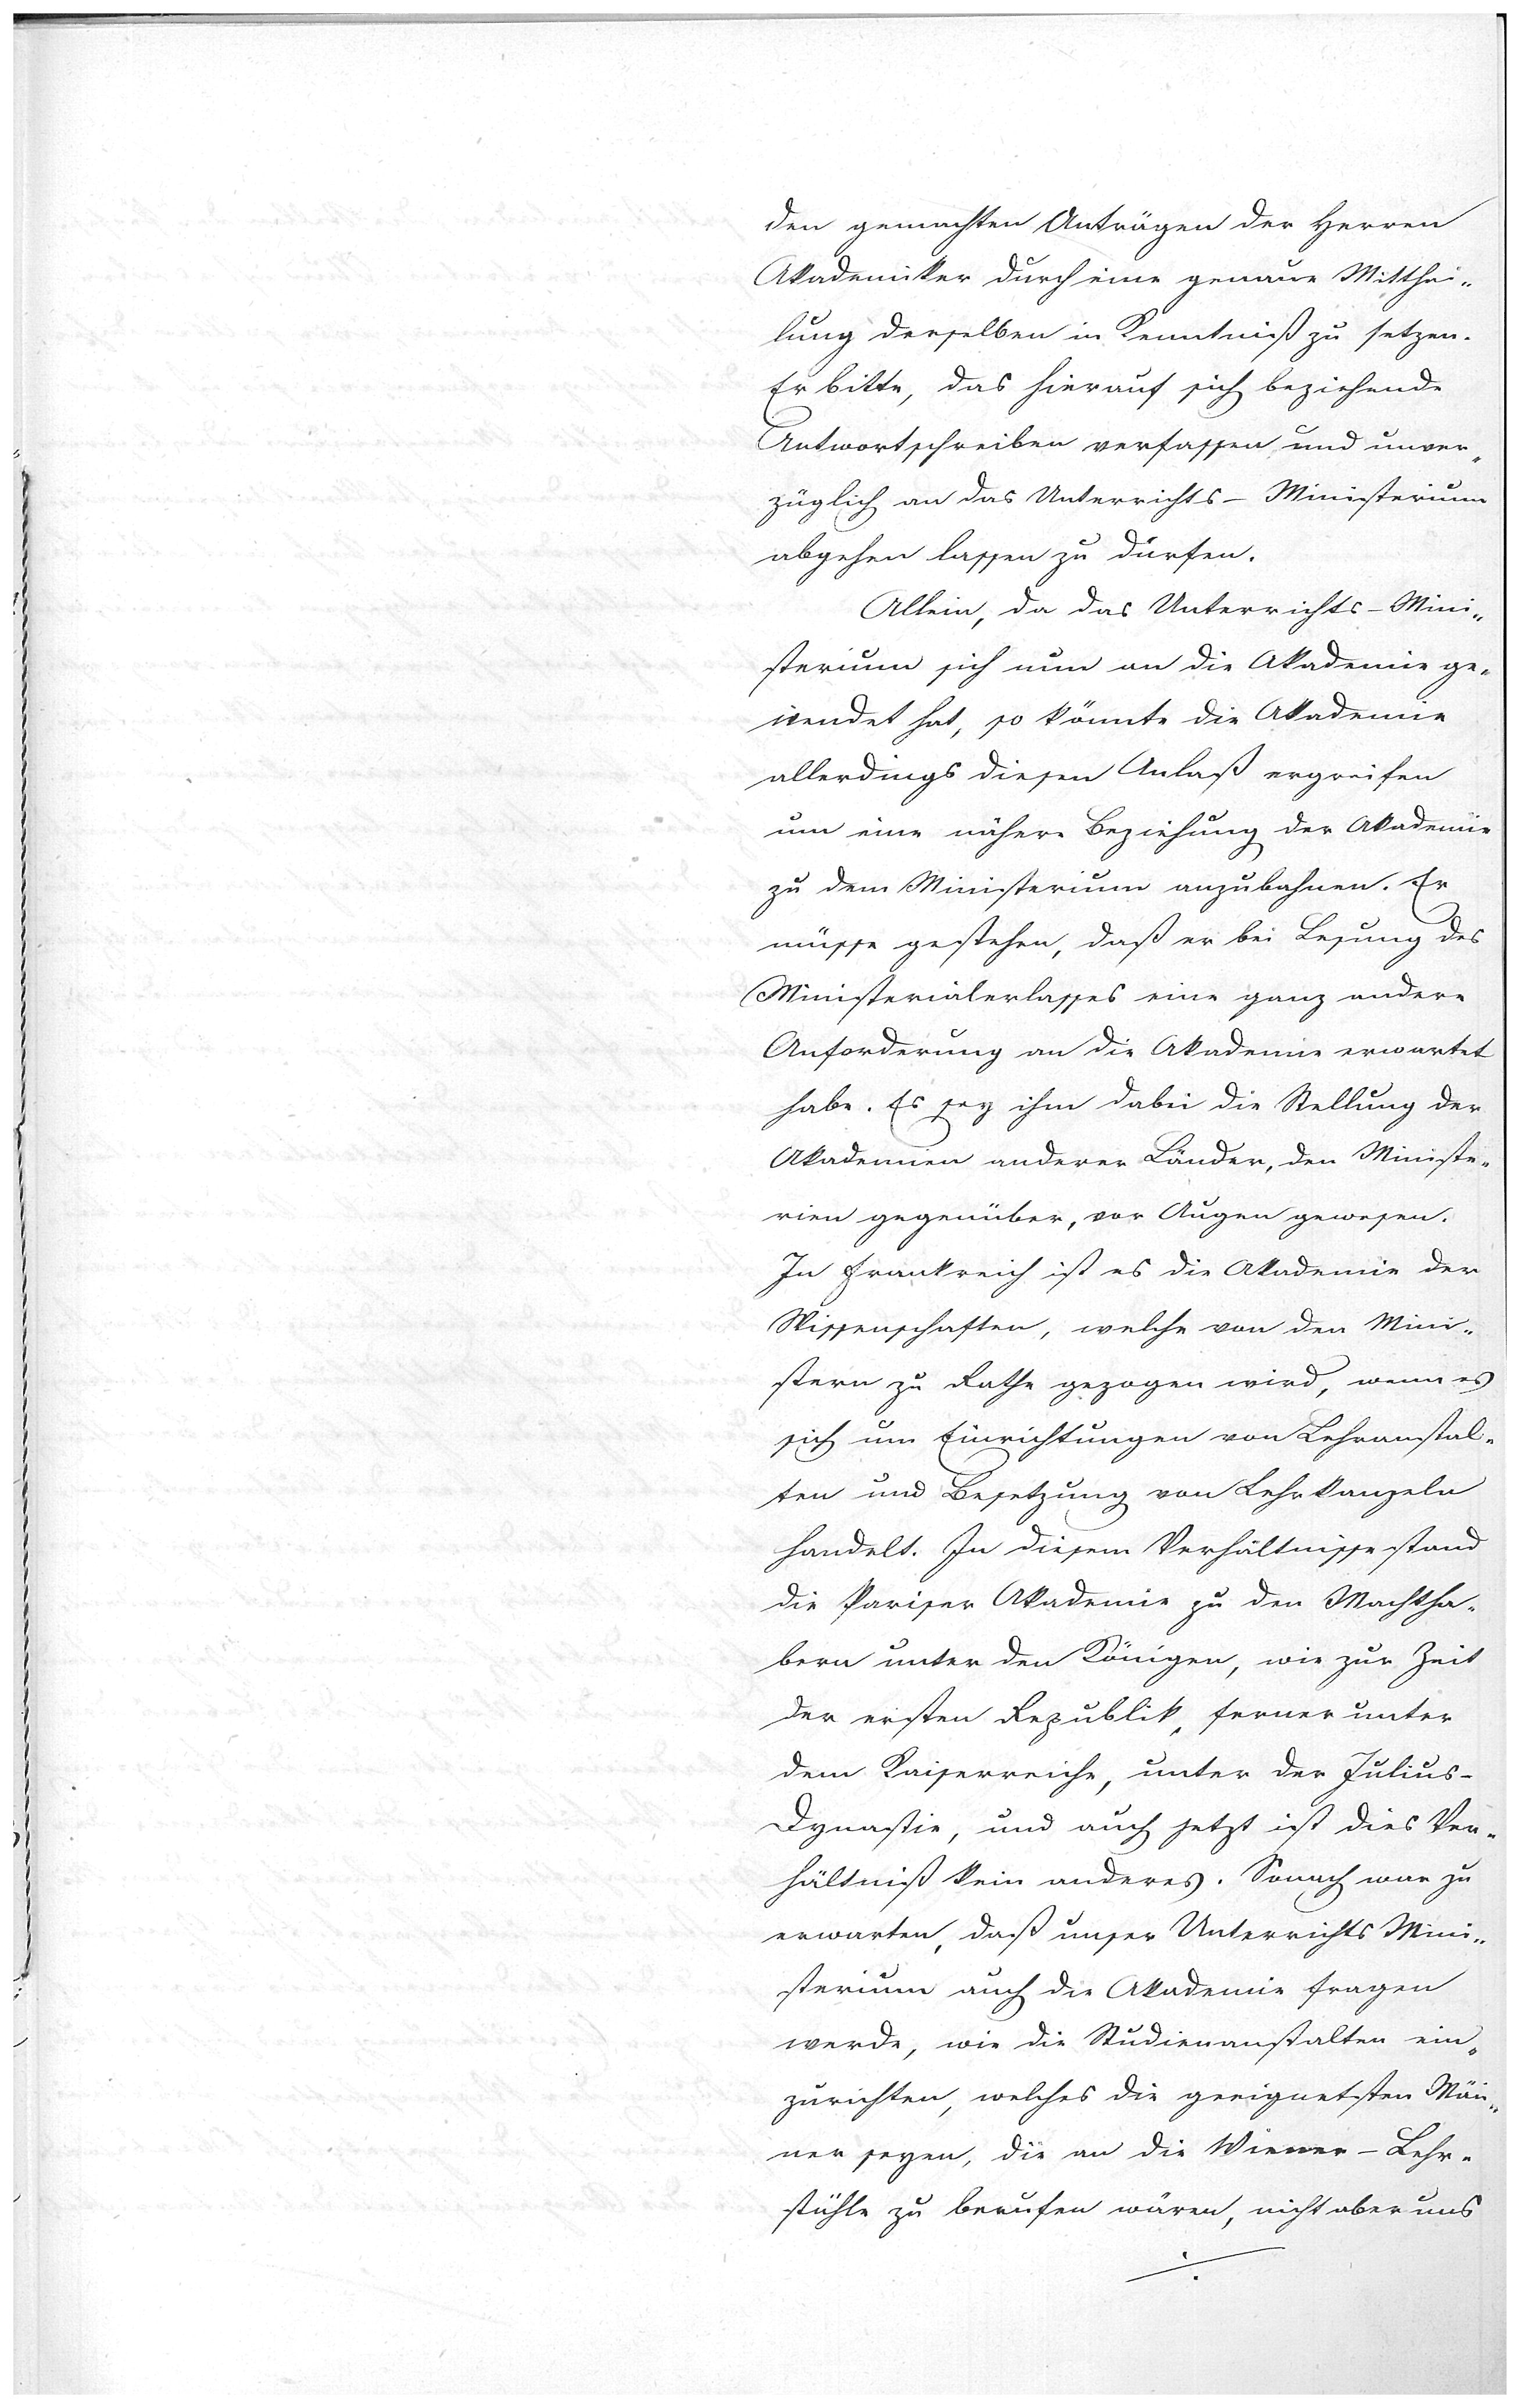den gemachten Anträgen der Herren
Akademiker durch eine genaue Mitthei-
lung derselben in Kenntniß zu setzen.
Er bitte, das hierauf sich beziehende
Antwortschreiben verfassen und unver-
züglich, an das Unterrichts-Ministerium
abgehen lassen zu dürfen.
Allein, da das Unterrichts-Mini-
sterium sich nun an die Akademie ge-
wendet hat, so könnte die Akademie
allerdings diesen Anlaß ergreifen
um eine nähere Beziehung der Akademie
zu dem Ministerium anzubahnen. Er
müsse gesehen, daß er bei Lesung des
Ministerialerlasses eine ganz andere
Anforderung an die Akademie erwartet
habe. Es sey ihm dabei die Stellung der
Akademien anderer Länder, den Ministe-
rien gegenüber, vor Augen gewesen.
In Frankreich ist es die Akademie der
Wissenschaften, welche von den Mini-
stern zu Rathe gezogen wird, wenn es
sich um Einrichtungen von Lehranstal-
ten und Besetzung von Lehrkanzeln
handelt: In diesem Verhältnisse stand
die Pariser Akademie zu den Machtha-
bern unter den Königen, wir zur Zeit
der ersten Republik, ferner unter
dem Kaiserreiche, unter der Julius-
Dynastie, und auch jetzt ist dies Ver-
hältniß kein anderes. Sonach war zu
erwarten, daß unser Unterrichts-Mini-
sterium auch der Akademie fragen
werde, wir die Studienanstalten ein-
zurichten, welches die geeignetsten Män-
ner seyen, die an die Wiener-Lehr-
stühle zu berufen wären, nicht aber uns